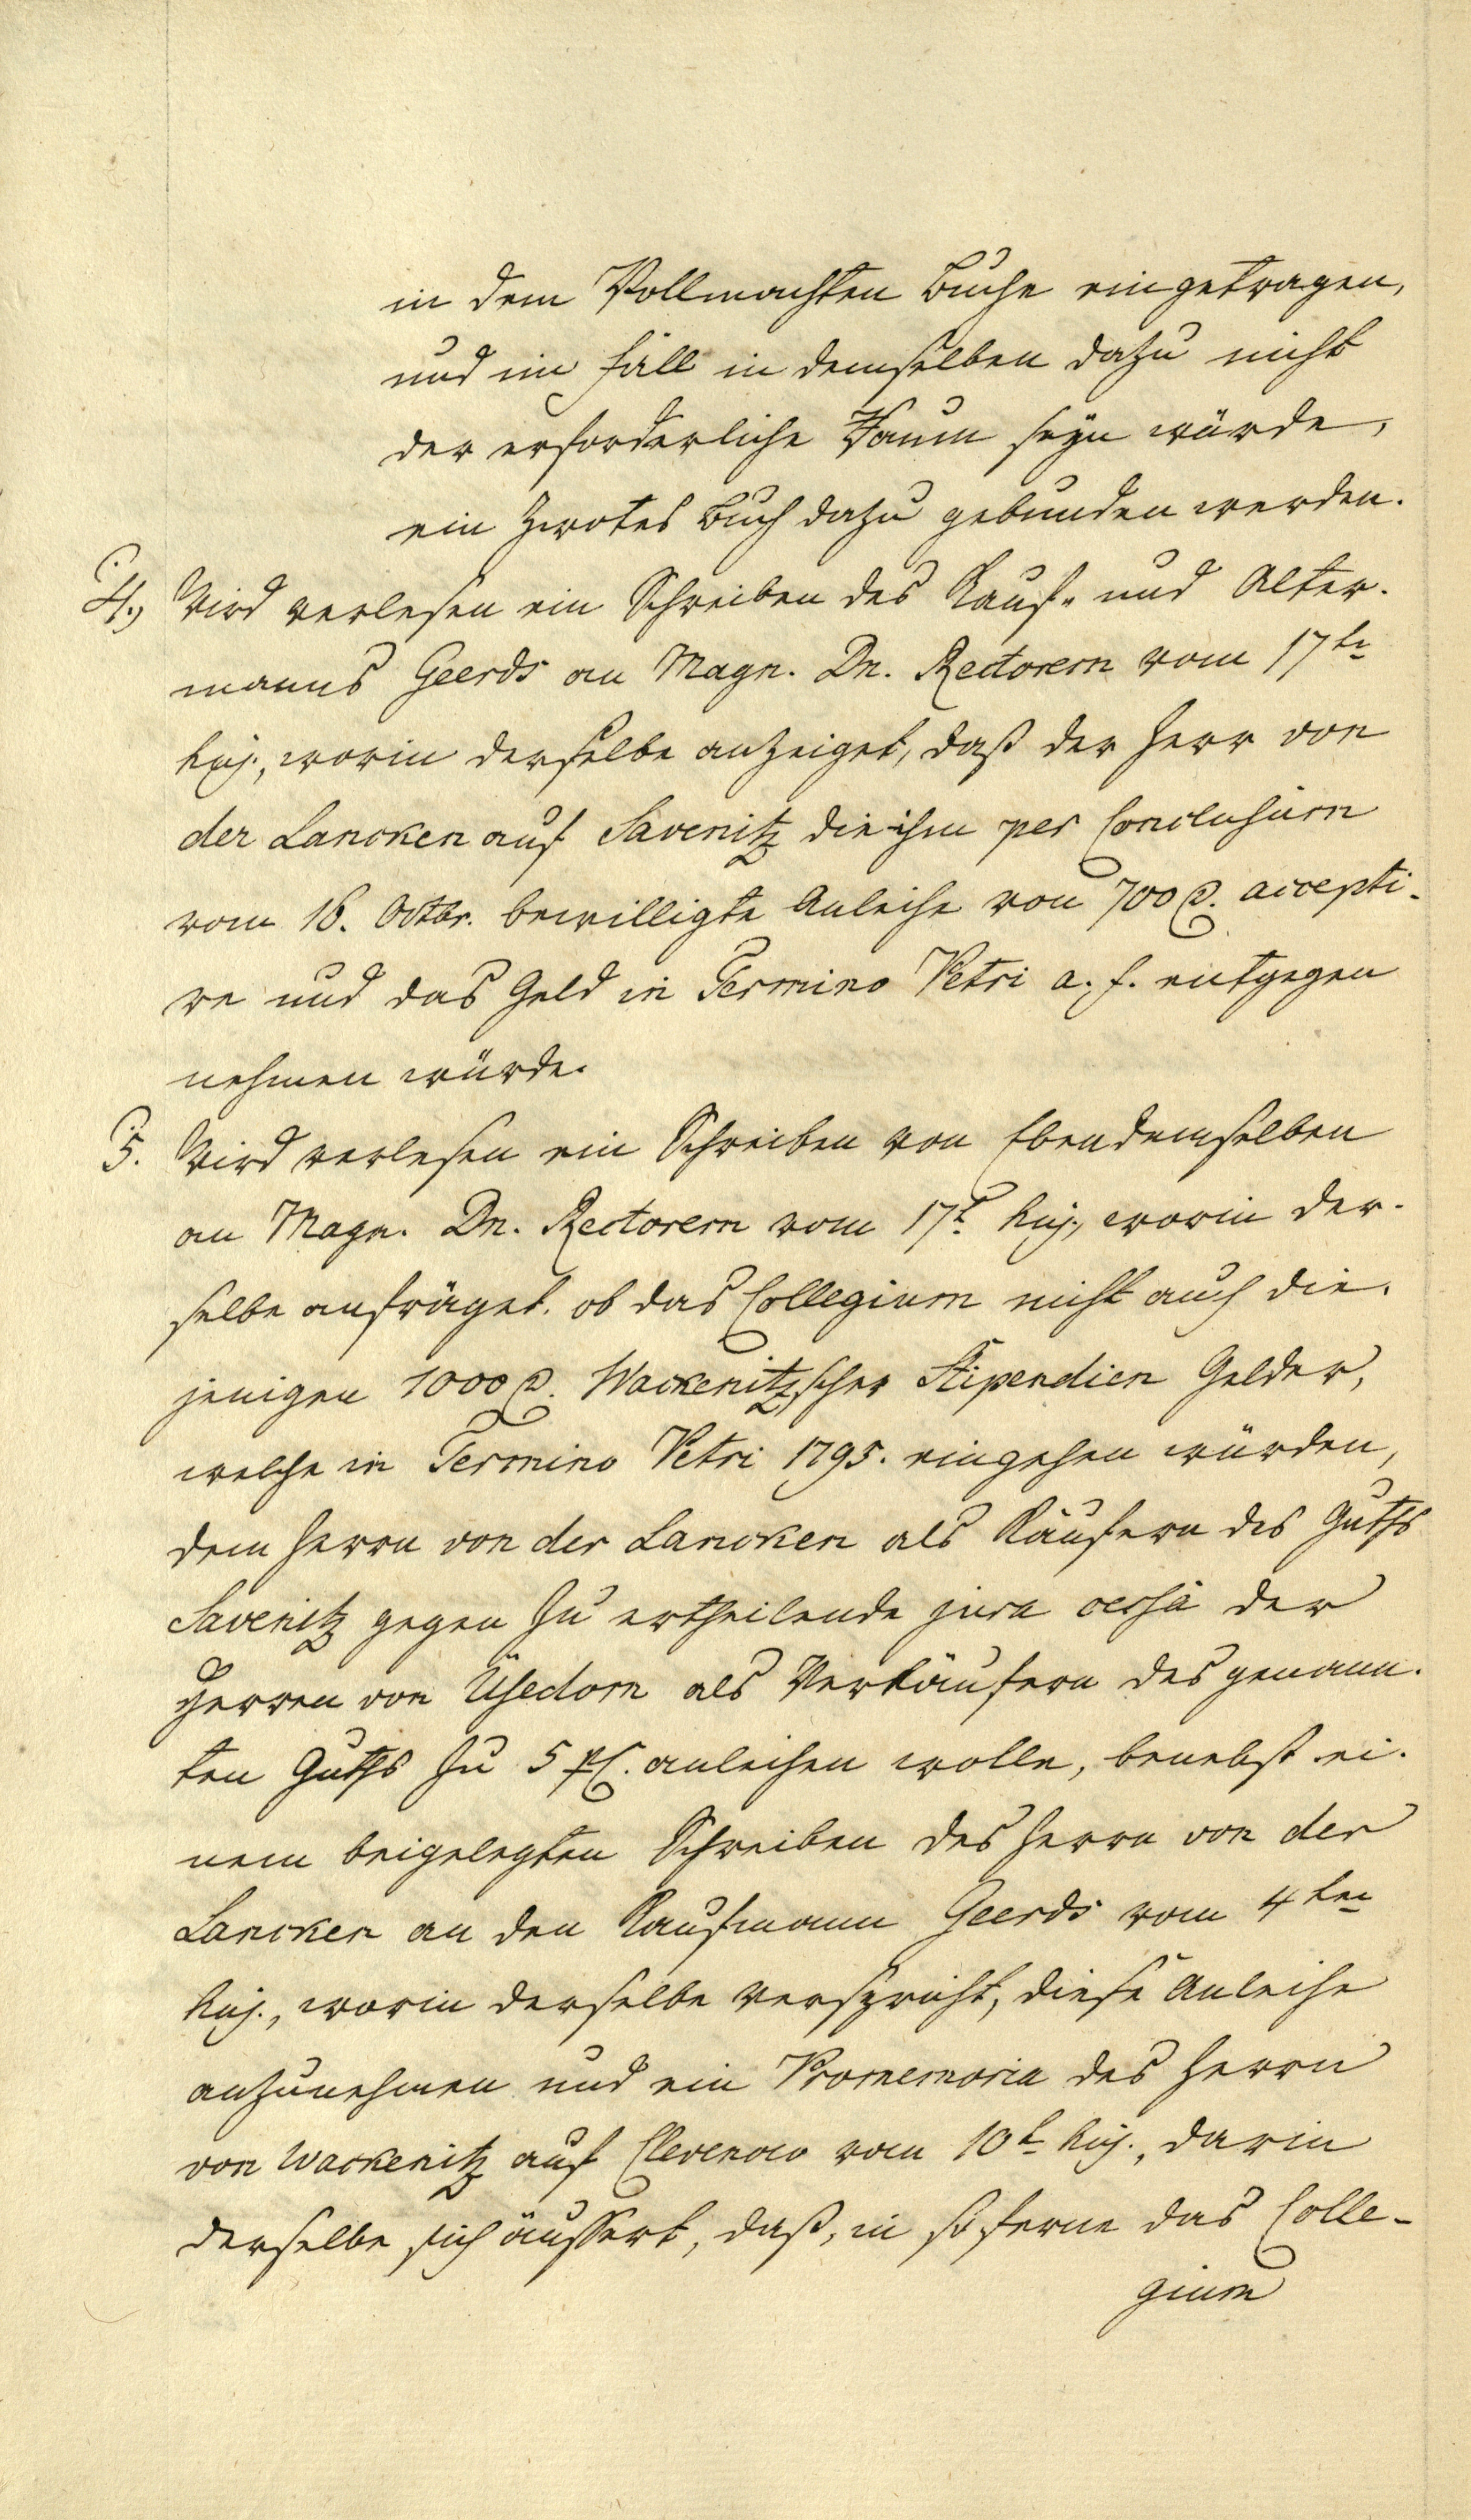in dem Vollmachten Buche eingetragen,
und im Fall in demselben dazu nicht
der erforderliche Raum seÿn würde,
ein zwotes Buch dazu gebunden werden.
4., Wird verlesen ein Schreiben des Kauf- und Alter¬
manns Geerds an Magn. Dn. Rectorem vom 17 t
huj., worin derselbe anzeiget, daß der Herr von
der Lancken auf Savenitz die ihm per Conclusum
vom 16. Octbr. bewilligte Anleihe von 700 l. accepti¬
re und das Geld in Termino Petri a. f. entgegen
nehmen würde.
5. Wird verlesen ein Schreiben von Ebendemselben
an Magn. Dn. Rectorem vom 17 t huj., worin der¬
selbe anfräget, ob das Collegium nicht auch die¬
jenigen 1000 l. Wackenitzscher Stipendien Gelder,
welche in Termino Petri 1795. eingehen würden,
dem Herrn von der Lancken als Käufern des Guths
Savenitz gegen zu ertheilende jura cessa der
Herren von Usedom als Verkäufern des genann-
ten Guths zu 5 pl. anleihen wolle, benebst ei¬
nem beigelegten Schreiben des Herrn von der
Lancken an den Kaufmann Geerds vom 4 ten
huj., worin derselbe verspricht, diese Anleihe
anzunehmen und ein Promemoria des Herrn
von Wackenitz auf Clevenow vom 10 t. huj., darin
derselbe sich äussert, daß, in so ferne das Colle¬
gium